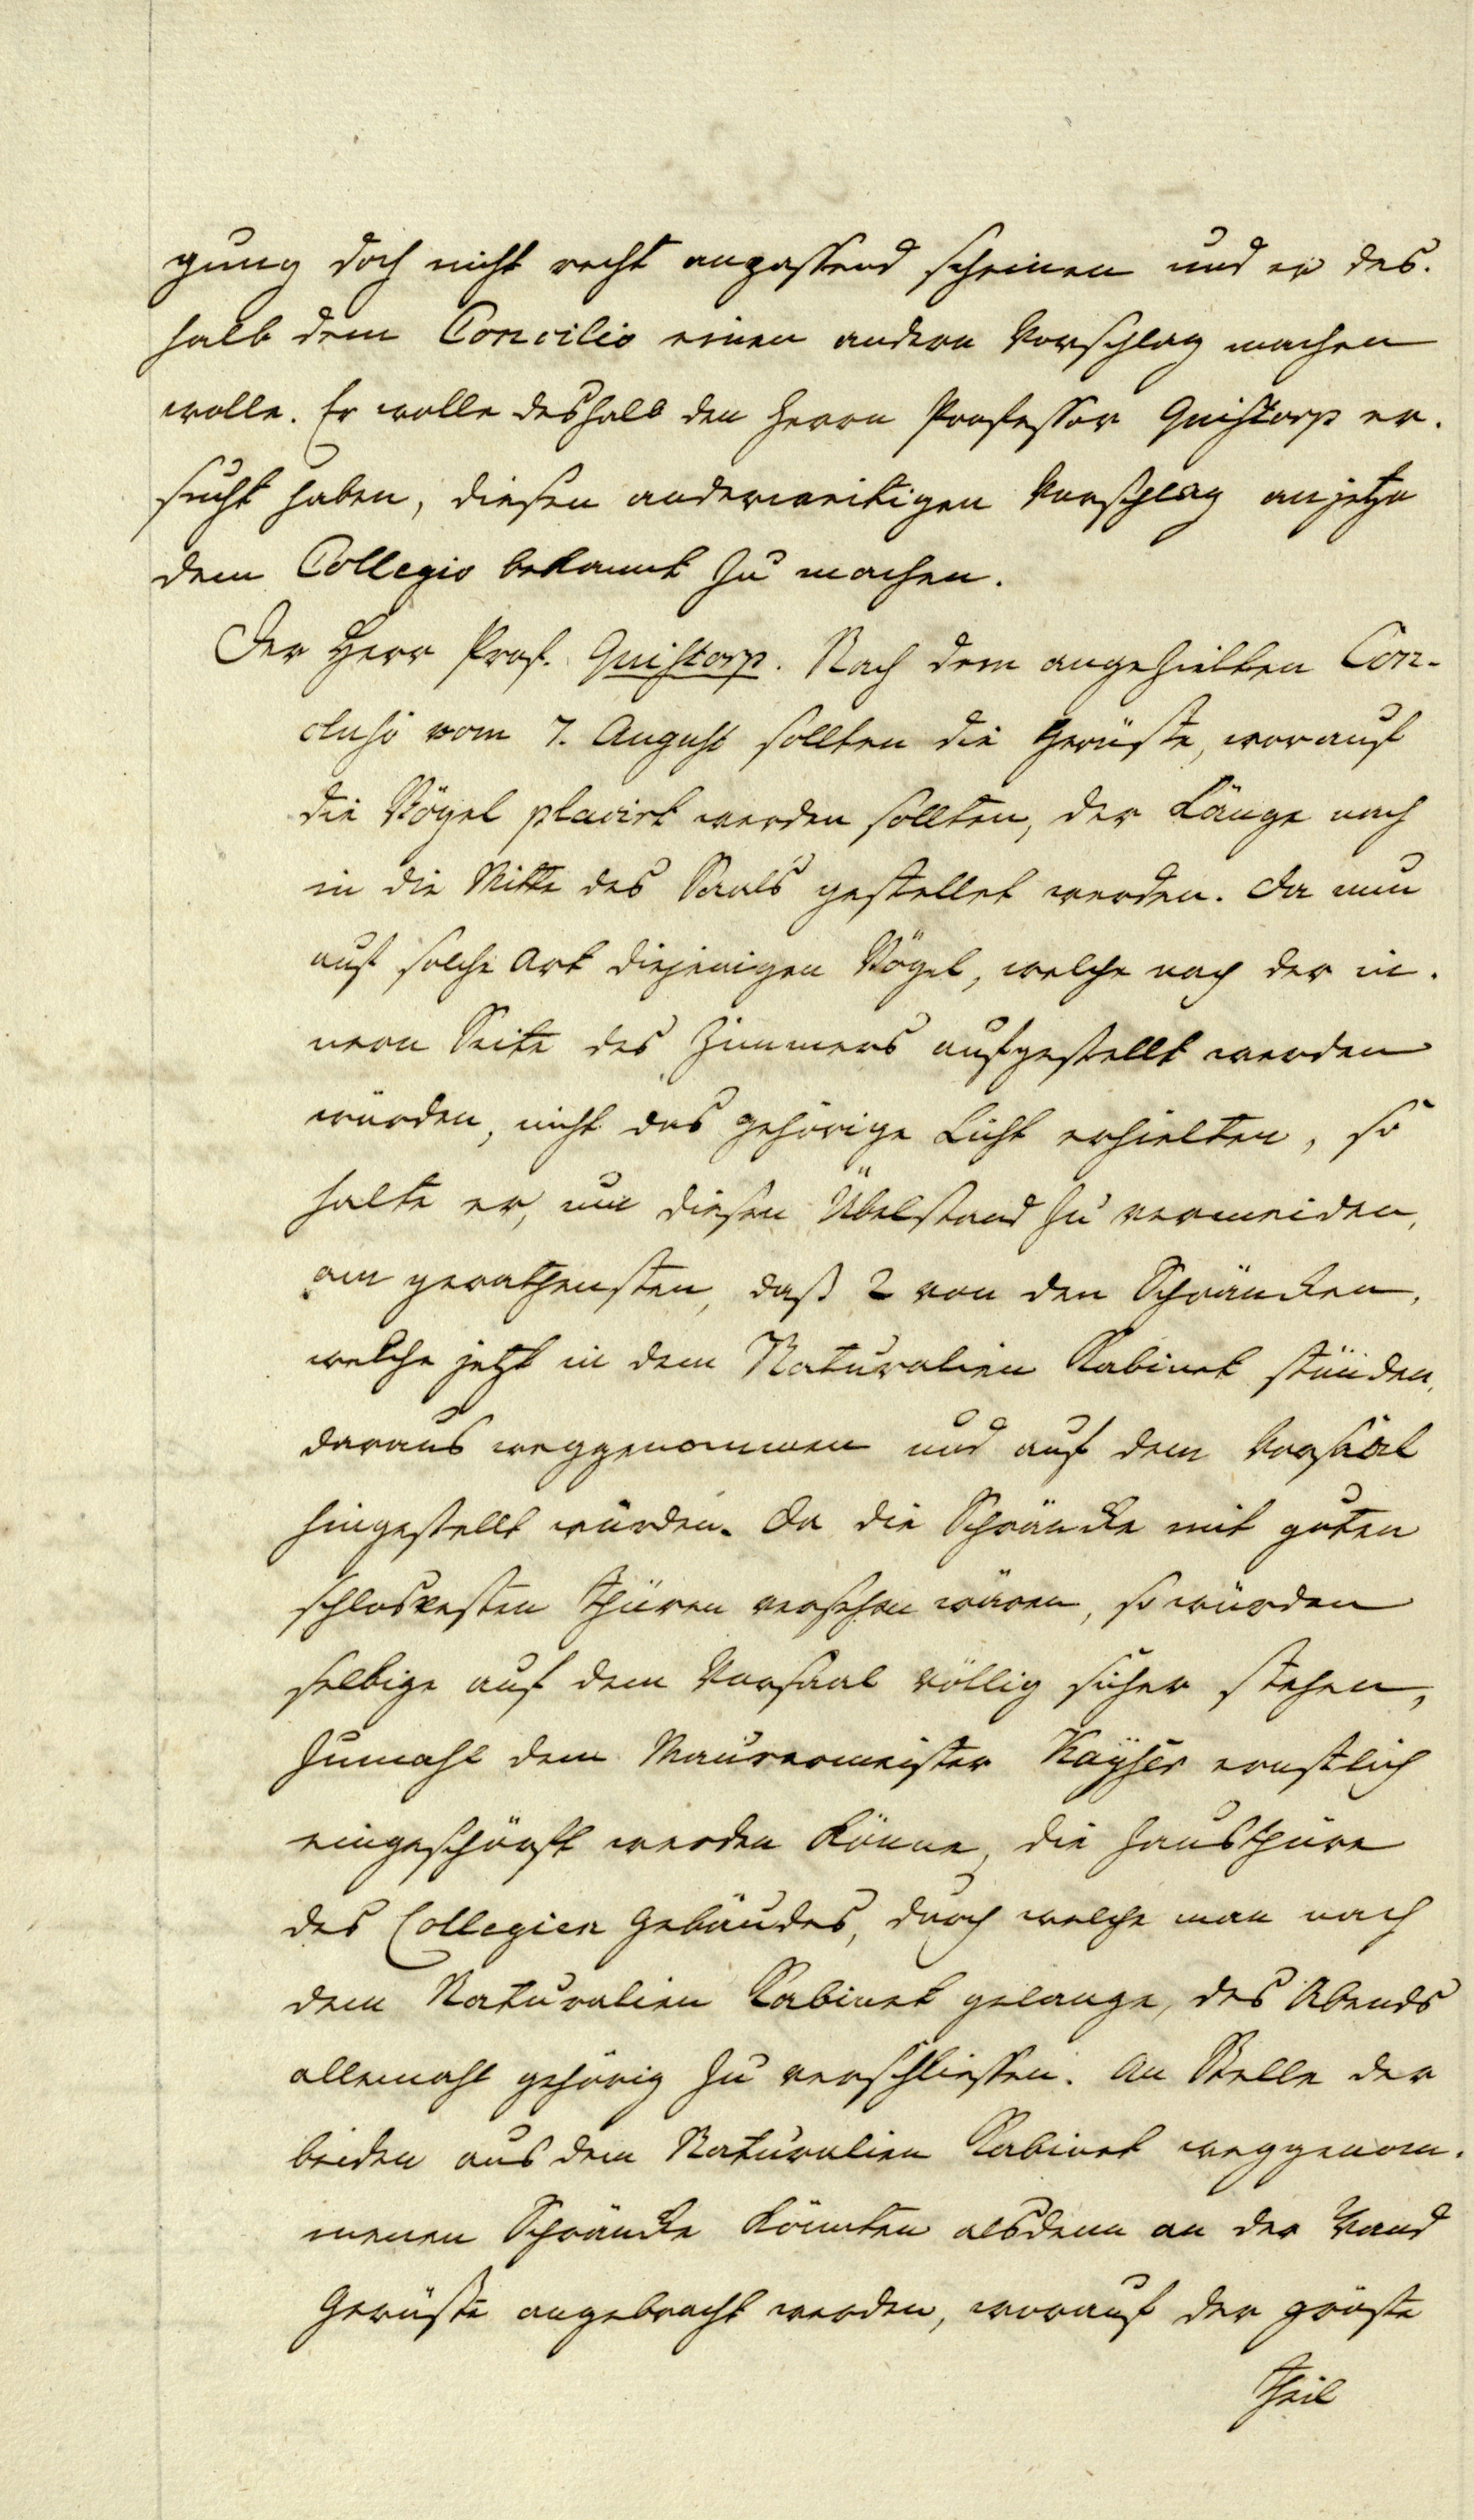gung doch nicht recht anpassend scheinen und er des¬
halb dem Concilio einen andern Vorschlag machen
wolle. Er wolle deshalb den herrn Professor Quistorp er¬
sucht haben, diesen anderweitigen Vorschlag anjetzo
dem Collegio bekannt zu machen.
Der Herr Prof. Quistorp. Nach dem angezielten Con¬
clusi vom 7. August sollten die Gerüste, worauf
die Vögel placirt werden sollten, der Länge nach
in die Mitte des Saals gestellet werden. Da nun
auf solche Art diejenigen Vögel, welche nach der in¬
nern Seite des Zimmers aufgestellt werden
würden, nicht das gehörige Licht erhielten, so
halte er, um diesen Übelstand zu vermeiden,
am gerathensten, daß 2 von den Schräncken,
welche jetzt in dem Naturalien Kabinet stünden,
daraus weggenommen und auf dem Vorsaal
hingestellt würden. Da die Schräncke mit guten
schlosvesten Thüren versehen wären, so würden
selbige auf dem Vorsaal völlig sicher stehen,
zumahl dem Maurermeister Kaÿser ernstlich
eingeschärft werden könne, die Hausthüre
des Collegien Gebäudes, durch welche man nach
dem Naturalien Kabinet gelange, des Abends
allemahl gehörig zu verschliessen. An Stelle der
beiden aus dem Naturalien Kabinet weggenom¬
menen Schräncke könnten alsdenn an der Wand
Gerüste angebracht werden, worauf der gröste
Theil